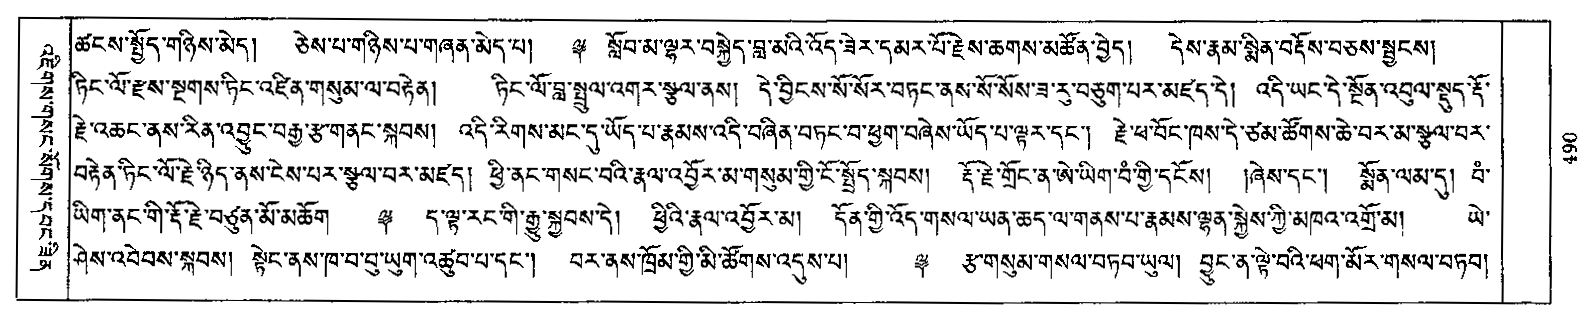ཚངས་སྤྱོད་གཉིས་མེད། ཅེས་པ་གཉིས་པ་གཞན་མེད་པ། ༈ སློབ་མ་ལྷར་བསྐྱེད་བླ་མའི་འོད་ཟེར་དམར་པོ་རྗེས་ཆགས་མཚོན་བྱེད། དེས་རྣམ་སྨིན་བརྡོས་བཅས་སྦྱངས།
ཏིང་ལོ་རྫས་སྔགས་ཏིང་འཛིན་གསུམ་ལ་བརྟེན། ཏིང་ལོ་བླ་སྤྲུལ་འགར་སྩལ་ནས། དེ་བྱིངས་སོ་སོར་བཏང་ནས་སོ་སོས་ཟ་རུ་བཅུག་པར་མཛད་དེ། འདི་ཡང་དེ་སྔོན་འབུལ་སྡུད་རྡོ་
རྗེ་འཆང་ནས་རིན་འབྱུང་བརྒྱ་རྩ་གནང་སྐབས། འདི་རིགས་མང་དུ་ཡོད་པ་རྣམས་འདི་བཞིན་བཏང་བ་ཕྱག་བཞེས་ཡོད་པ་ལྟར་དང་། རྗེ་ཕ་བོང་ཁས་དེ་ཙམ་ཚོགས་ཆེ་བར་མ་སྩལ་བར་
བརྟེན་ཏིང་ལོ་རྗེ་ཉིད་ནས་ངེས་པར་སྩལ་བར་མཛད། ཕྱི་ནང་གསང་བའི་རྣལ་འབྱོར་མ་གསུམ་གྱི་ངོ་སྤྲོད་སྐབས། རྡོ་རྗེ་གྲོང་ན་ཨེ་ཡིག་བཾ་གྱི་དངོས། །ཞེས་དང་། སྨོན་ལམ་དུ། བཾ་
ཡིག་ནང་གི་རྡོ་རྗེ་བཙུན་མོ་མཆོག ༈ ད་ལྟ་རང་གི་རྒྱུ་སྐྱབས་དེ། ཕྱིའི་རྣལ་འབྱོར་མ། དོན་གྱི་འོད་གསལ་ཡན་ཆད་ལ་གནས་པ་རྣམས་ལྷན་སྐྱེས་ཀྱི་མཁའ་འགྲོ་མ། ཡེ་
ཤེས་འབེབས་སྐབས། སྟེང་ནས་ཁ་བ་བུ་ཡུག་འཚུབ་པ་དང་། བར་ནས་ཁྲོམ་གྱི་མི་ཚོགས་འདུས་པ། ༈ རྩ་གསུམ་གསལ་བཏབ་ཡུལ། བྱུང་ན་ལྟེ་བའི་ཕག་མོར་གསལ་བཏབ།